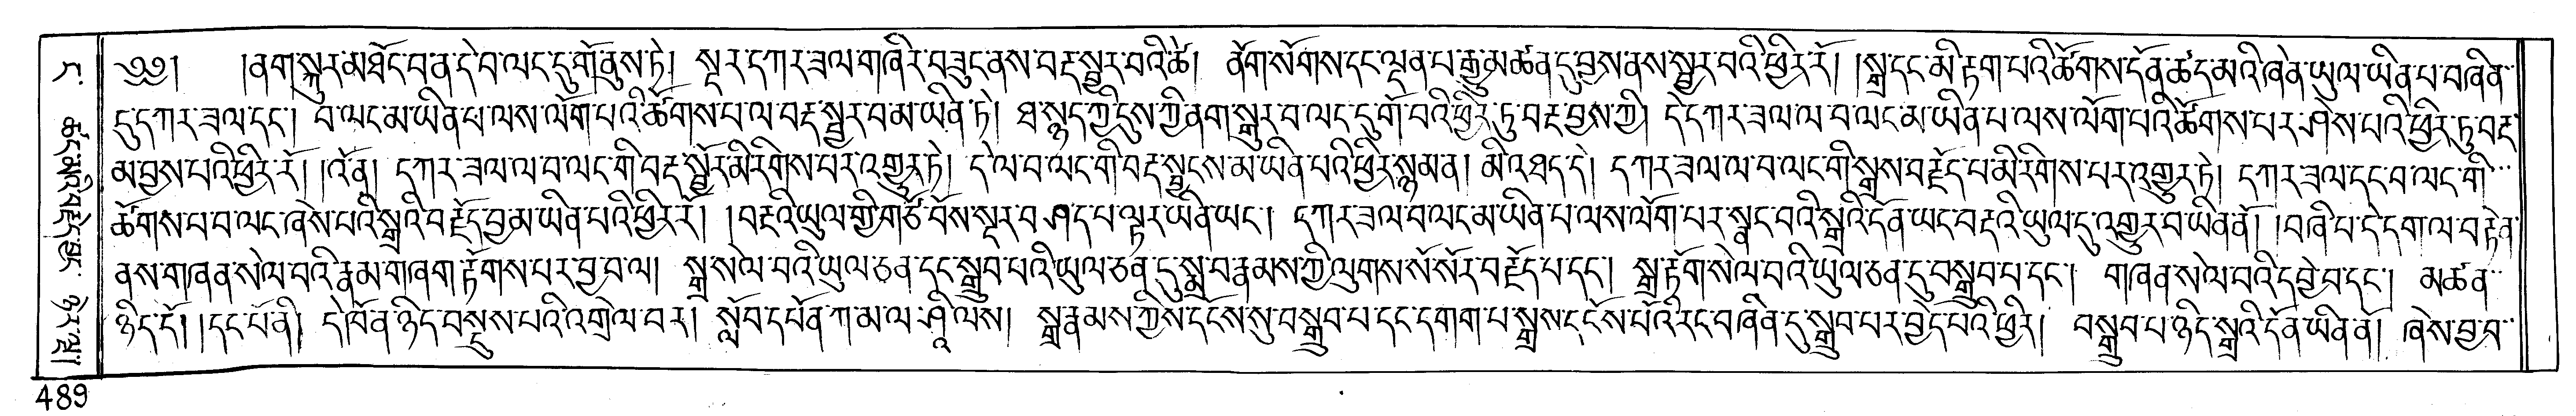༄༅། །ནག་སྒུར་མཐོང་བ་ན་དེ་བ་ལང་དུ་གོ་ནུས་ཏེ། སྔར་དཀར་ཟལ་གཞིར་བཟུང་ནས་བརྡ་སྦྱར་བའི་ཚེ། ནོག་སོགས་དང་ལྡན་པ་རྒྱུ་མཚན་དུ་བྱས་ནས་སྦྱར་བའི་ཕྱིར་རོ། །སྒྲ་དང་མི་རྟག་པའི་ཚོགས་དོན་ཚད་མའི་ཞེན་ཡུལ་ཡིན་པ་བཞིན་
དུ་དཀར་ཟལ་དང་། བ་ལང་མ་ཡིན་པ་ལས་ལོག་པའི་ཚོགས་པ་ལ་བརྡ་སྦྱར་བ་མ་ཡིན་ཏེ། ཐ་སྙད་ཀྱི་དུས་ཀྱི་ནག་སྒུར་བ་ལང་དུ་གོ་བའི་ཕྱིར་ཏུ་བརྡ་བྱས་ཀྱི། དེ་དཀར་ཟལ་ལ་བ་ལང་མ་ཡིན་པ་ལས་ལོག་པའི་ཚོགས་པར་ཤེས་པའི་ཕྱིར་ཏུ་བརྡ་
མ་བྱས་པའི་ཕྱིར་རོ། །འོ་ན། དཀར་ཟལ་ལ་བ་ལང་གི་བརྡ་སྦྱོར་མི་རིགས་པར་འགྱུར་ཏེ། དེ་ལ་བ་ལང་གི་བརྡ་སྦྱར་ས་མ་ཡིན་པའི་ཕྱིར་སྙམ་ན། མི་འཐད་དེ། དཀར་ཟལ་ལ་བ་ལང་གི་སྒྲས་བརྗོད་པ་མི་རིགས་པར་འགྱུར་ཏེ། དཀར་ཟལ་དང་བ་ལང་གི་
ཚོགས་པ་བ་ལང་ཞེས་པའི་སྒྲའི་བརྗོད་བྱ་མ་ཡིན་པའི་ཕྱིར་རོ། །བརྡའི་ཡུལ་གྱི་གཙོ་བོས་སྔར་བཤད་པ་ལྟར་ཡིན་ཡང་། དཀར་ཟལ་བ་ལང་མ་ཡིན་པ་ལས་ལོག་པར་སྣང་བའི་སྒྲའི་དོན་ཡང་བརྡའི་ཡུལ་དུ་འགྱུར་བ་ཡིན་ནོ། །བཞི་པ་དེ་དག་ལ་བརྟེན་
ནས་གཞན་སེལ་བའི་རྣམ་གཞག་རྟོགས་པར་བྱ་བ་ལ། སྒྲ་སེལ་བའི་ཡུལ་ཅན་དང་སྒྲུབ་པའི་ཡུལ་ཅན་དུ་སྨྲ་བ་རྣམས་ཀྱི་ལུགས་སོ་སོར་བརྗོད་པ་དང་། སྒྲ་རྟོག་སེལ་བའི་ཡུལ་ཅན་དུ་བསྒྲུབ་བ་དང་། གཞན་སེལ་བའི་དབྱེ་བ་དང་། མཚན་
ཉིད་དོ། །དང་པོ་ནི། དེ་ཁོ་ན་ཉིད་བསྡུས་པའི་འགྲེལ་པར། སློབ་དཔོན་ཀ་མ་ལ་ཤཱི་ལས། སྒྲ་རྣམས་ཀྱིས་དངོས་སུ་བསྒྲུབ་པ་དང་དགག་པ་སྒྲས་དངོས་པོའི་རང་བཞིན་དུ་སྒྲུབ་པར་བྱེད་པའི་ཕྱིར། བསྒྲུབ་པ་ཉིད་སྒྲའི་དོན་ཡིན་ནོ། ཞེས་བྱ་བ་